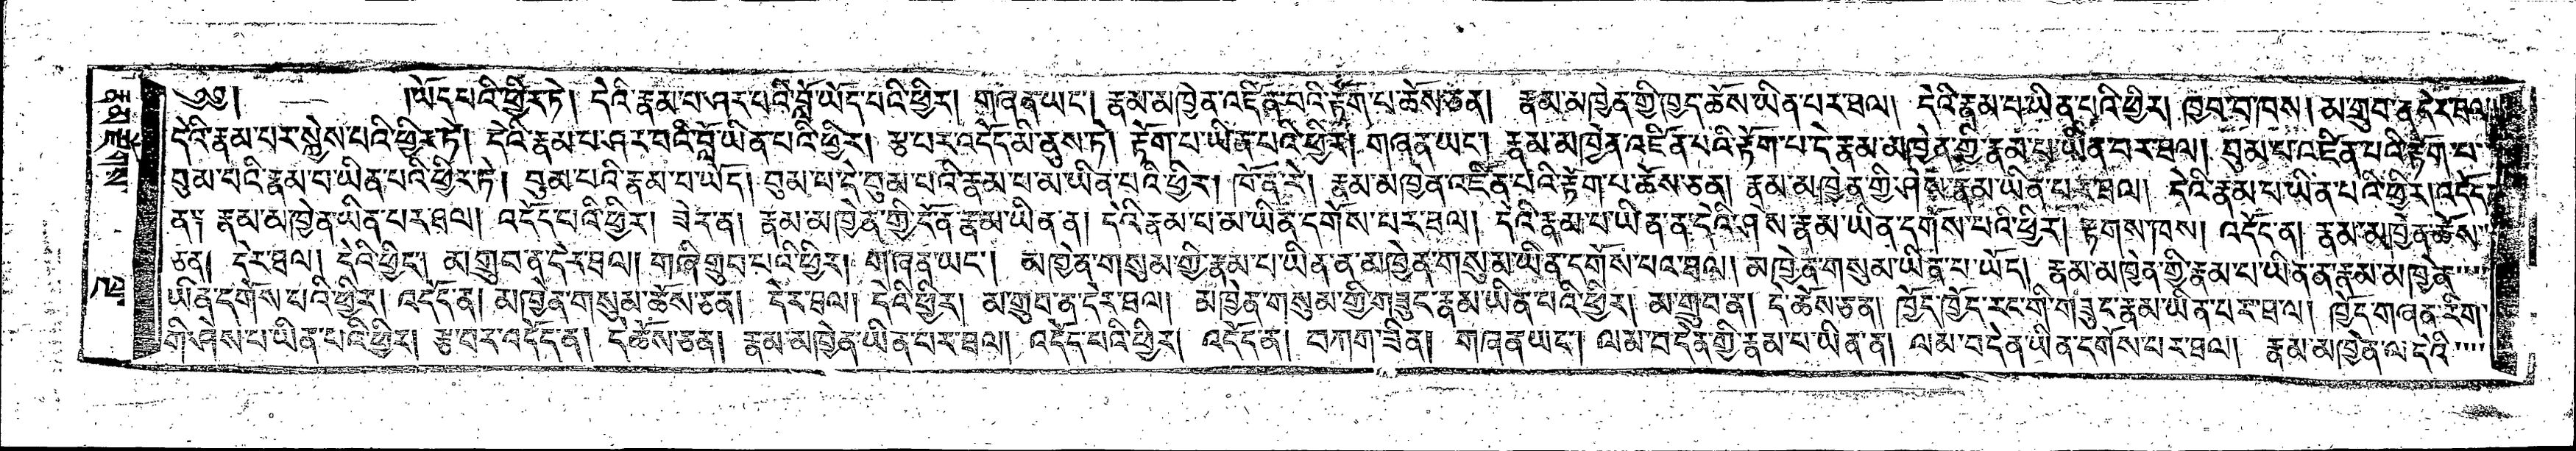༄༅། །ཡོད་པའི་ཕྱིར་ཏེ། དེའི་རྣམ་པ་ཤར་པའི་བློ་ཡོད་པའི་ཕྱིར། གཞན་ཡང་། རྣམ་མཁྱེན་འཛིན་པའི་རྟོག་པ་ཆོས་ཅན། རྣམ་མཁྱེན་གྱི་ཁྱད་ཆོས་ཡིན་པར་ཐལ། དེའི་རྣམ་པ་ཡིན་པའི་ཕྱིར། ཁྱབ་པ་ཁས། མ་གྲུབ་ན་?
དེའི་རྣམ་པར་སྐྱེས་པའི་ཕྱིར་ཏེ། དེའི་རྣམ་པ་ཤར་བའི་བློ་ཡིན་པའི་ཕྱིར། རྩ་པར་འདོད་མི་ནུས་ཏེ། རྟོག་པ་ཡིན་པའི་ཕྱིར། གཞན་ཡང་། རྣམ་མཁྱེན་འཛིན་པའི་རྟོག་པ་དེ་རྣམ་མཁྱེན་གྱི་རྣམ་པ་ཡིན་པར་ཐལ། བུམ་པ་འཛིན་པའི་རྟོག་པ་
བུམ་པའི་རྣམ་པ་ཡིན་པའི་ཕྱིར་ཏེ། བུམ་པའི་རྣམ་པ་ཡོད། བུམ་པ་དེ་བུམ་པའི་རྣམ་པ་མ་ཡིན་པའི་ཕྱིར། ཁོ་ན་རེ། རྣམ་མཁྱེན་འཛིན་པའི་རྟོག་པ་ཆོས་ཅན། རྣམ་མཁྱེན་གྱི་ཤེས་རྣམ་ཡིན་པར་ཐལ། དེའི་རྣམ་པ་ཡིན་པའི་ཕྱིར། འདོད་
ན༑ རྣམ་མཁྱེན་ཡིན་པར་ཐལ། འདོད་པའི་ཕྱིར། ཟེར་ན། རྣམ་མཁྱེན་གྱི་ངོ་ན་རྣམ་ཡིན་ན། དེའི་རྣམ་པ་མ་ཡིན་དགོས་པར་ཐལ། དེའི་རྣམ་པ་ཡིན་ན་དེའི་ཤེས་རྣམ་ཡིན་དགོས་པའི་ཕྱིར། རྟགས་ཁས། འདོད་ན། རྣམ་མཁྱེན་ཆོས་
ཅན། དེར་ཐལ། དེའི་ཕྱིང་། མ་གྲུབ་ན་དེར་ཐལ། གཞི་གྲུབ་པའི་ཕྱིར། གཞན་ཡང་། མཁྱེན་གསུམ་གྱི་རྣམ་པ་ཡིན་ན་མཁྱེན་གསུམ་ཡིན་དགོས་པ་འཐལ། མཁྱེན་གསུམ་ཡིན་པ་ཡོད། རྣམ་མཁྱེན་གྱི་རྣམ་པ་ཡིན་ན་རྣམ་མཁྱེན་
ཡིན་དགོས་པའི་ཕྱིར། འདོད་ན། མཁྱེན་གསུམ་ཆོས་ཅན། དེར་ཐལ། དེའི་ཕྱིར། མ་གྲུབ་ན་དེར་ཐལ། མཁྱེན་གསུམ་གྱི་གཟུང་རྣམ་ཡིན་པའི་ཕྱིར། མ་གྲུབ་ན། དེ་ཆོས་ཅན། ཁྱོད་ཁྱོད་རང་གི་གཟུང་རྣམ་ཡིན་པར་ཐལ། ཁྱོད་གཞན་རིག་
གི་ཤེས་པ་ཡིན་པའི་ཕྱིར། རྩ་བར་འདོད་ན། དེ་ཆོས་ཅན། རྣམ་མཁྱེན་ཡིན་པར་ཐལ། འདོད་པའི་ཕྱིར། འདོད་ན། བཀག་ཟིན། གཞན་ཡང་། ལམ་བདེན་གྱི་རྣམ་པ་ཡིན་ན། ལམ་བདེན་ཡིན་དགོས་པར་ཐལ། རྣམ་མཁྱེན་ལ་དེའི་